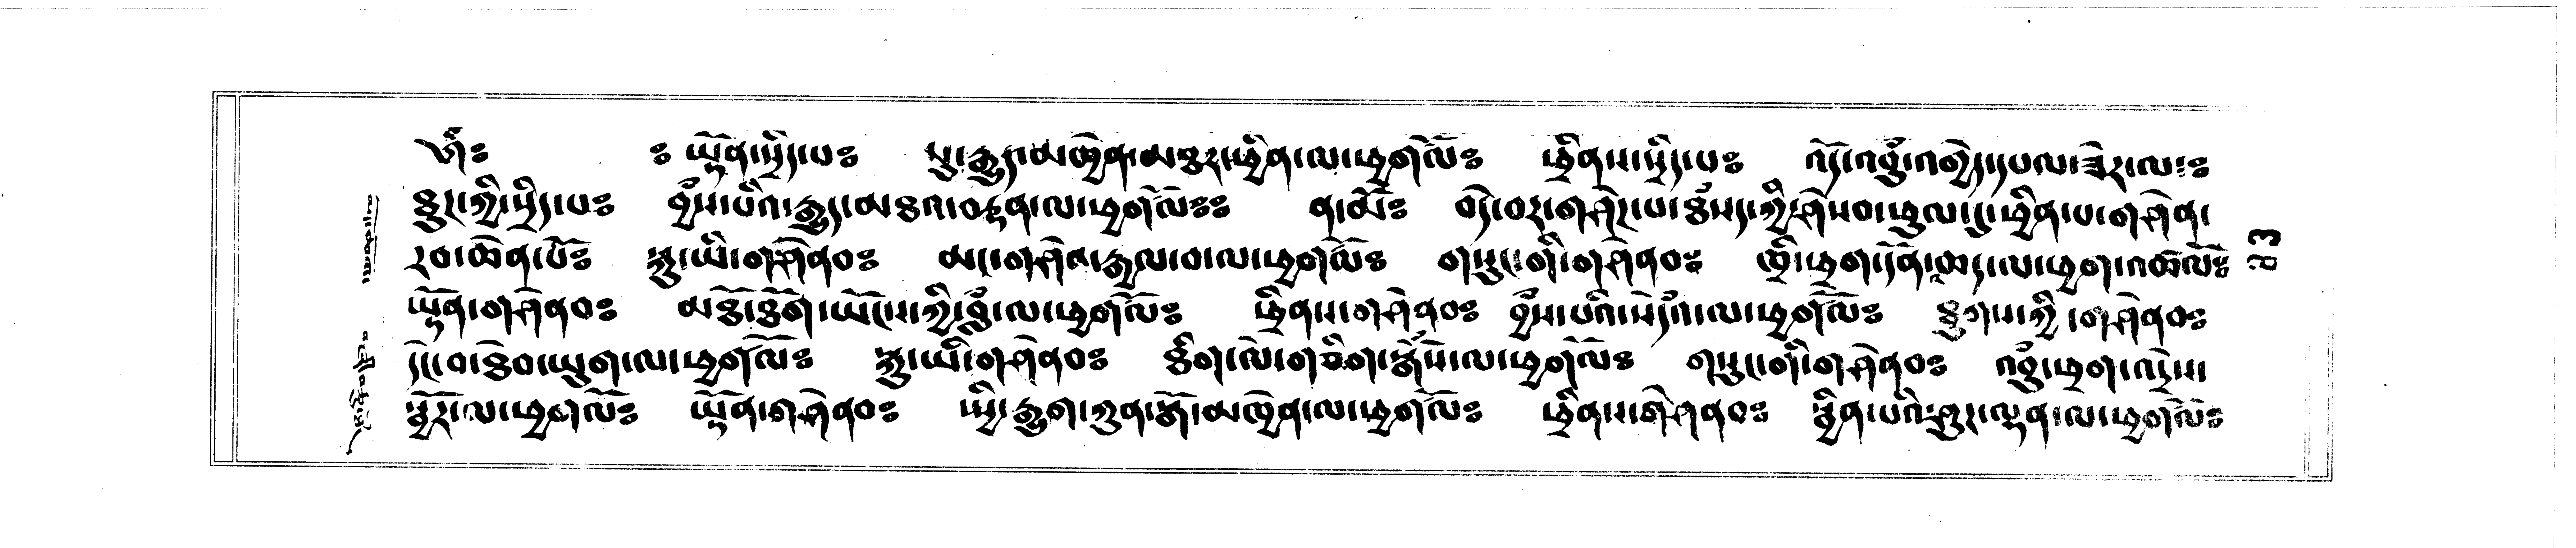ཡོན་ཏན་གྱི་སྲིད་པཿ མུ་རྒྱུད་མཁྱེན་མཐར་ཕྱིན་ལ་ཕྱག་འཚལ་ལོཿ ཕྲིན་ལས་ཀྱི་སྲིད་པཿ འོད་འབུམ་འགྱེད་དཔལ་ཟེར་ལ་ཕྱག་འཚལ་ལོཿ
 ཐུགས་ཀྱི་སྲིད་པཿ བྱམས་པའི་རྒྱུད་མཐའ་རྟེན་ལ་ཕྱག་འཚལ་ལོཿ ན་མོ་བདེ་བར་གཤེགས་པ་ཐམས་ཅད་ཀྱི་ཤེས་རབ་ཕུལ་ཏུ་ཕྱིན་པའི་གཤེན་
རབ་ཆེན་པོཿ སྐུ་ཡི་གཤེན་རབཿ མང་གཤེན་རྒྱལ་བ་ལ་ཕྱག་འཚལ་ལོཿ གསུང་གི་གཤེན་རབཿ ཁྲི་ཕྲག་དོན་འཆད་ལ་ཕྱག་འཚལ་ལོཿ 
ཡོན་ཏན་གྱི་གཤེན་རབཿ མཐོ་ཐོག་ཡོངས་ཀྱི་བླ་མ་ལ་ཕྱག་འཚལ་ལོཿ ཕྲིན་ལས་ཀྱི་གཤེན་རབཿ བྱམས་པའི་སེམས་དཔའ་ལ་ཕྱག་འཚལ་ལོཿ ཐུགས་ཀྱི་གཤེན་རབཿ 
དེང་པ་ཐེབ་ཡུག་ལ་ཕྱག་འཚལ་ལོཿ སྐུ་ཡི་གཤེན་རབཿ ཐིག་ལེ་གཅིག་སྒོམ་ལ་ཕྱག་འཚལ་ལོཿ གསུང་གི་གཤེན་རབཿ འབུམ་ཕྲག་འདྲེས་
སྦྱོར་ལ་ཕྱག་འཚལ་ལོཿ ཡོན་ཏན་གྱི་གཤེན་རབཿ སྤྱི་རྒྱུག་ཀུན་སྒོ་མཁྱེན་ལ་ཕྱག་འཚལ་ལོཿ ཕྲིན་ལས་ཀྱི་གཤེན་རབཿ སྦྱིན་པའི་ཤུགས་ལྡན་ལ་ཕྱག་འཚལ་ལོཿ